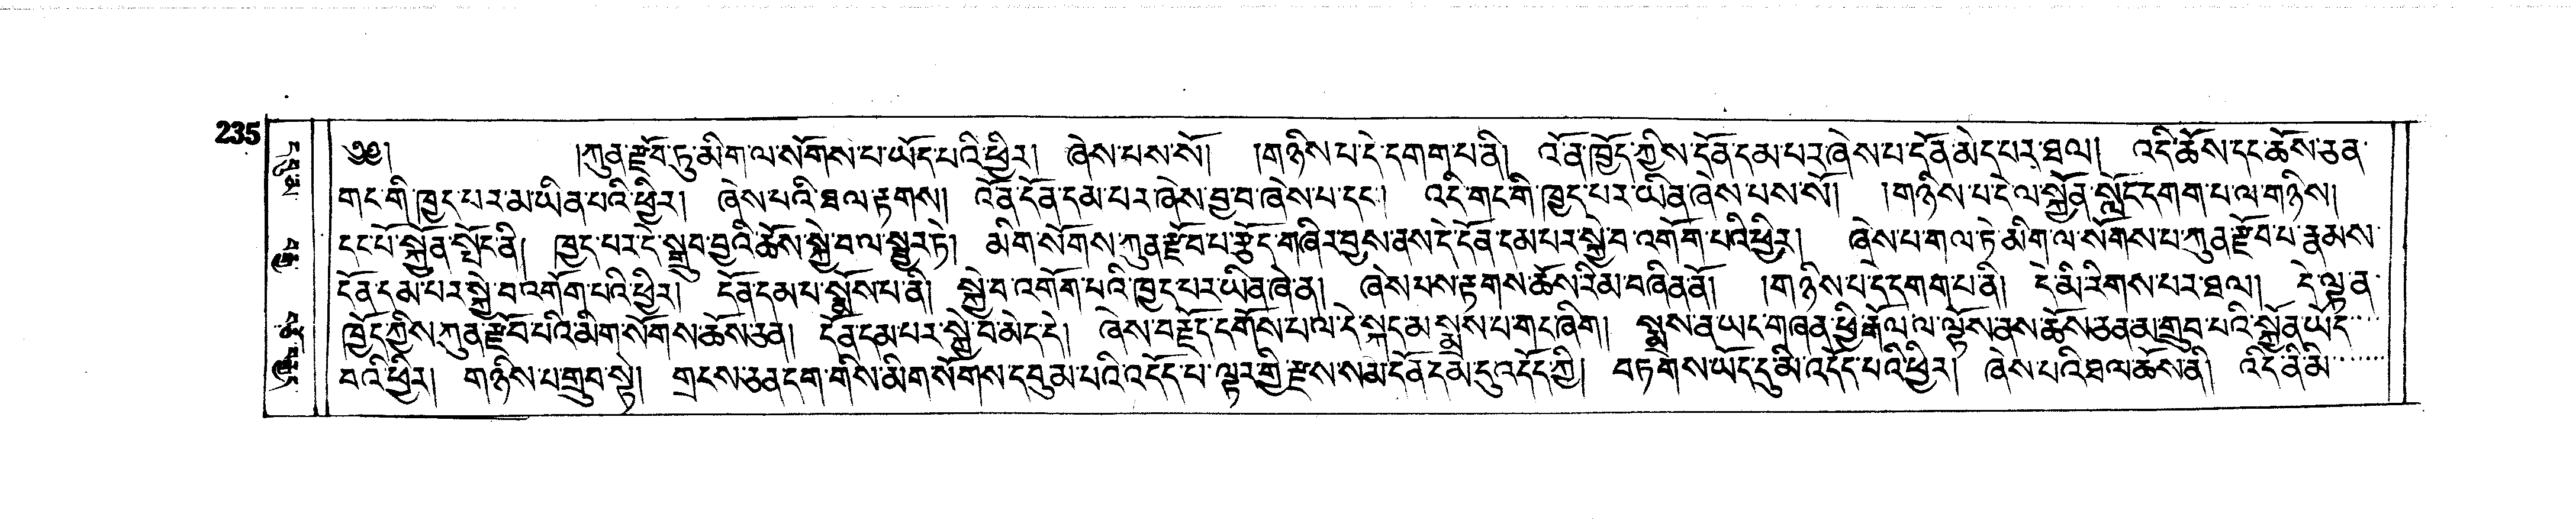༄༅། །ཀུན་རྫོབ་ཏུ་མིག་ལ་སོགས་པ་ཡོད་པའི་ཕྱིར། ཞེས་པས་སོ། །གཉིས་པ་དེ་དགག་པ་ནི། འོ་ན་ཁྱོད་ཀྱིས་དོན་དམ་པར་ཞེས་པ་དོན་མེད་པར་ཐལ། འདི་ཆོས་དང་ཆོས་ཅན་
གང་གི་ཁྱད་པར་མ་ཡིན་པའི་ཕྱིར། ཞེས་པའི་ཐལ་རྟགས། འོ་ན་དོན་དམ་པར་ཞེས་བྱ་བ་ཞེས་པ་དང་། འདི་གང་གི་ཁྱད་པར་ཡིན་ཞེས་པས་སོ། །གཉིས་པ་དེ་ལ་སྐྱོན་སློང་དགག་པ་ལ་གཉིས།
དང་པོ་སྐྱོན་སྤོང་ནི། ཁྱད་པར་དེ་སྒྲུབ་བྱའི་ཆོས་སྐྱེ་བ་ལ་སྦྱར་ཏེ། མིག་སོགས་ཀུན་རྫོབ་པ་རྩོད་གཞིར་བྱས་ནས་དེ་དོན་དམ་པར་སྐྱེ་བ་འགོག་པའི་ཕྱིར། ཞེས་པ་གལ་ཏེ་མིག་ལ་སོགས་པ་ཀུན་རྫོབ་པ་རྣམས་
དོན་དམ་པར་སྐྱེ་བ་འགོག་པའི་ཕྱིར། དོན་དམ་པ་སྨོས་པ་ནི། སྐྱེ་བ་འགོག་པའི་ཁྱད་པར་ཡིན་ཞེ་ན། ཞེས་པས་རྟགས་ཆོས་རིམ་བཞིན་ནོ། །གཉིས་པ་དེ་དགག་པ་ནི། དེ་མི་རིགས་པར་ཐལ། དེ་ལྟ་ན་
ཁྱོད་ཀྱིས་ཀུན་རྫོབ་པའི་མིག་སོགས་ཆོས་ཅན། དོན་དམ་པར་སྐྱེ་བ་མེད་དེ། ཞེས་བརྗོད་དགོས་པ་ལ་དེ་སྐད་མ་སྨྲས་པ་གང་ཞིག། སྨྲས་ན་ཡང་གཞན་ཕྱི་རྒོལ་ལ་ལྟོས་ནས་ཆོས་ཅན་མ་གྲུབ་པའི་སྐྱོན་ཡོད་
བའི་ཕྱིར། གཉིས་པ་གྲུབ་སྟེ། གྲངས་ཅན་དག་གིས་མིག་སོགས་དབུ་མ་པའི་འདོད་པ་ལྟར་གྱི་རྫས་སམ་དོན་དམ་དུ་འདོད་ཀྱི། བཏགས་ཡོད་དུ་མི་འདོད་པའི་ཕྱིར། ཞེས་པའི་ཐལ་ཆོས་ནི། འདི་ནི་མི་